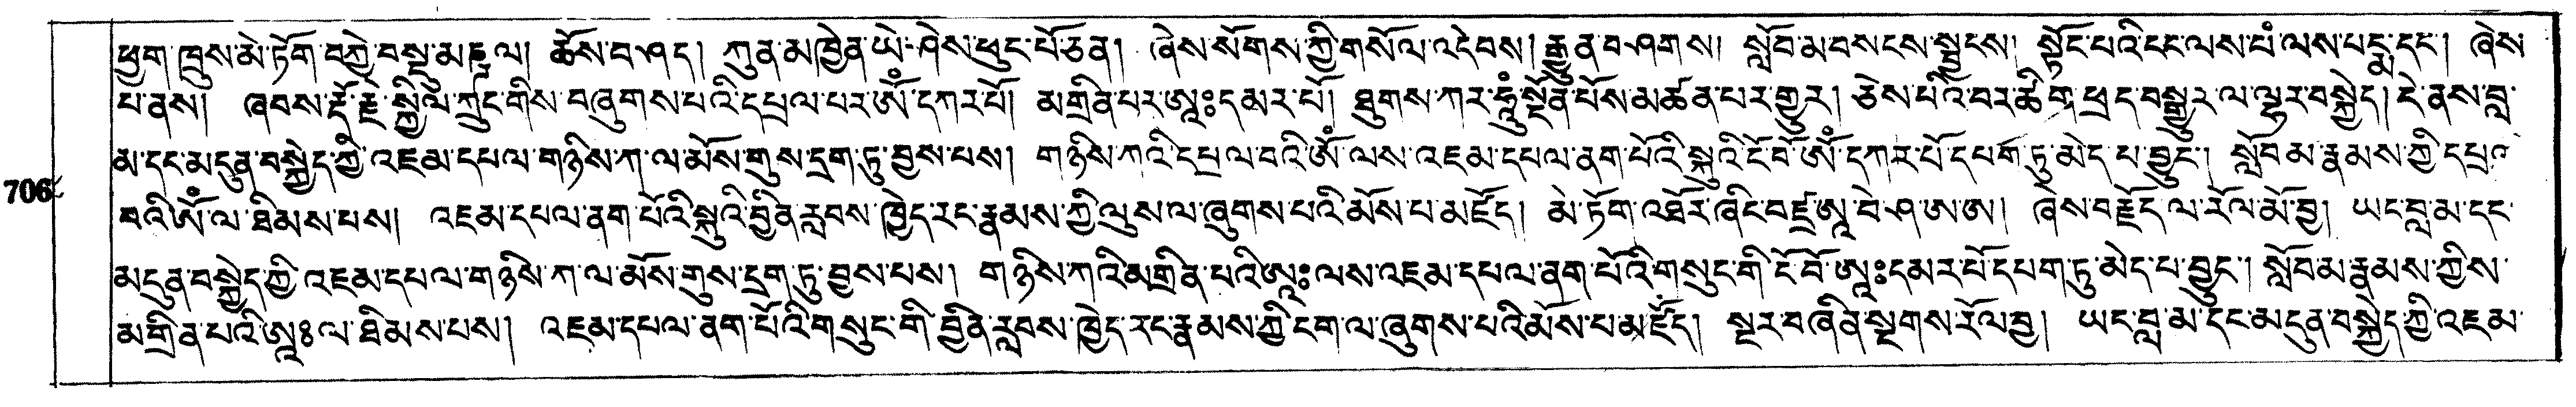ཕྱག་ཁྲུས་མེ་ཏོག་བཀྱེ་བསྡུ་མཎྜལ། ཆོས་བཤད། ཀུན་མཁྱེན་ཡེ་ཤེས་ཕུང་པོ་ཅན། ཞེས་སོགས་ཀྱི་གསོལ་འདེབས། རྒྱུན་བཤགས། སློབ་མ་བསངས་སྦྱངས། སྟོང་པའི་ངང་ལས་པཾ་ལས་པདམ་དང་། ཞེས་
པ་ནས། ཞབས་རྡོ་རྗེ་སྐྱིལ་ཀྲུང་གིས་བཞུགས་པའི་དཔྲལ་བར་ཨོཾ་དཀར་པོ། མགྲིན་པར་ཨཱཿ དམར་པོ། ཐུགས་ཀར་ཧཱུཾ་སྔོན་པོས་མཚན་པར་གྱུར། ཅེས་པའི་བར་ཚིག་ཕྲད་བསྒྱུར་ལ་ལྷར་བསྐྱེད། དེ་ནས་བླ་
མ་དང་མདུན་བསྐྱེད་ཀྱི་འཇམ་དཔལ་གཉིས་ཀ་ལ་མོས་གུས་དྲག་ཏུ་བྱས་པས། གཉིས་ཀའི་དཔྲལ་བའི་ཨོཾ་ལས་འཇམ་དཔལ་ནག་པོའི་སྐུའི་ངོ་བོ་ཨོཾ་དཀར་པོ་དཔག་ཏུ་མེད་པ་བྱུང་། སློབ་མ་རྣམས་ཀྱི་དཔྲལ་
བའི་ཨོཾ་ལ་ཐིམས་པས། འཇམ་དཔལ་ནག་པོའི་སྐུའི་བྱིན་རླབས་ཁྱེད་རང་རྣམས་ཀྱི་ལུས་ལ་ཞུགས་པའི་མོས་པ་མཛོད། མེ་ཏོག་འཐོར་ཞིང་བཛྲ་ཨཱ་བེ་ཤ་ཨ་ཨ། ཞེས་བརྗོད་ལ་རོལ་མོ་བྱ། ཡང་བླ་མ་དང་
མདུན་བསྐྱེད་ཀྱི་འཇམ་དཔལ་གཉིས་ཀ་ལ་མོས་གུས་དྲག་ཏུ་བྱས་པས། གཉིས་ཀའི་མགྲིན་པའི་ཨཱཿ ལས་འཇམ་དཔལ་ནག་པོའི་གསུང་གི་ངོ་བོ་ཨཱཿ དམར་པོ་དཔག་ཏུ་མེད་པ་བྱུང་། སློབ་མ་རྣམས་ཀྱིས་
མགྲིན་པའི་ཨཱཿ ལ་ཐིམས་པས། འཇམ་དཔལ་ནག་པོའི་གསུང་གི་བྱིན་རླབས་ཁྱེད་རང་རྣམས་ཀྱི་ངག་ལ་ཞུགས་པའི་མོས་པ་མཛོད། སྔར་བཞིན་སྔགས་རོལ་བྱ། ཡང་བླ་མ་དང་མདུན་བསྐྱེད་ཀྱི་འཇམ་